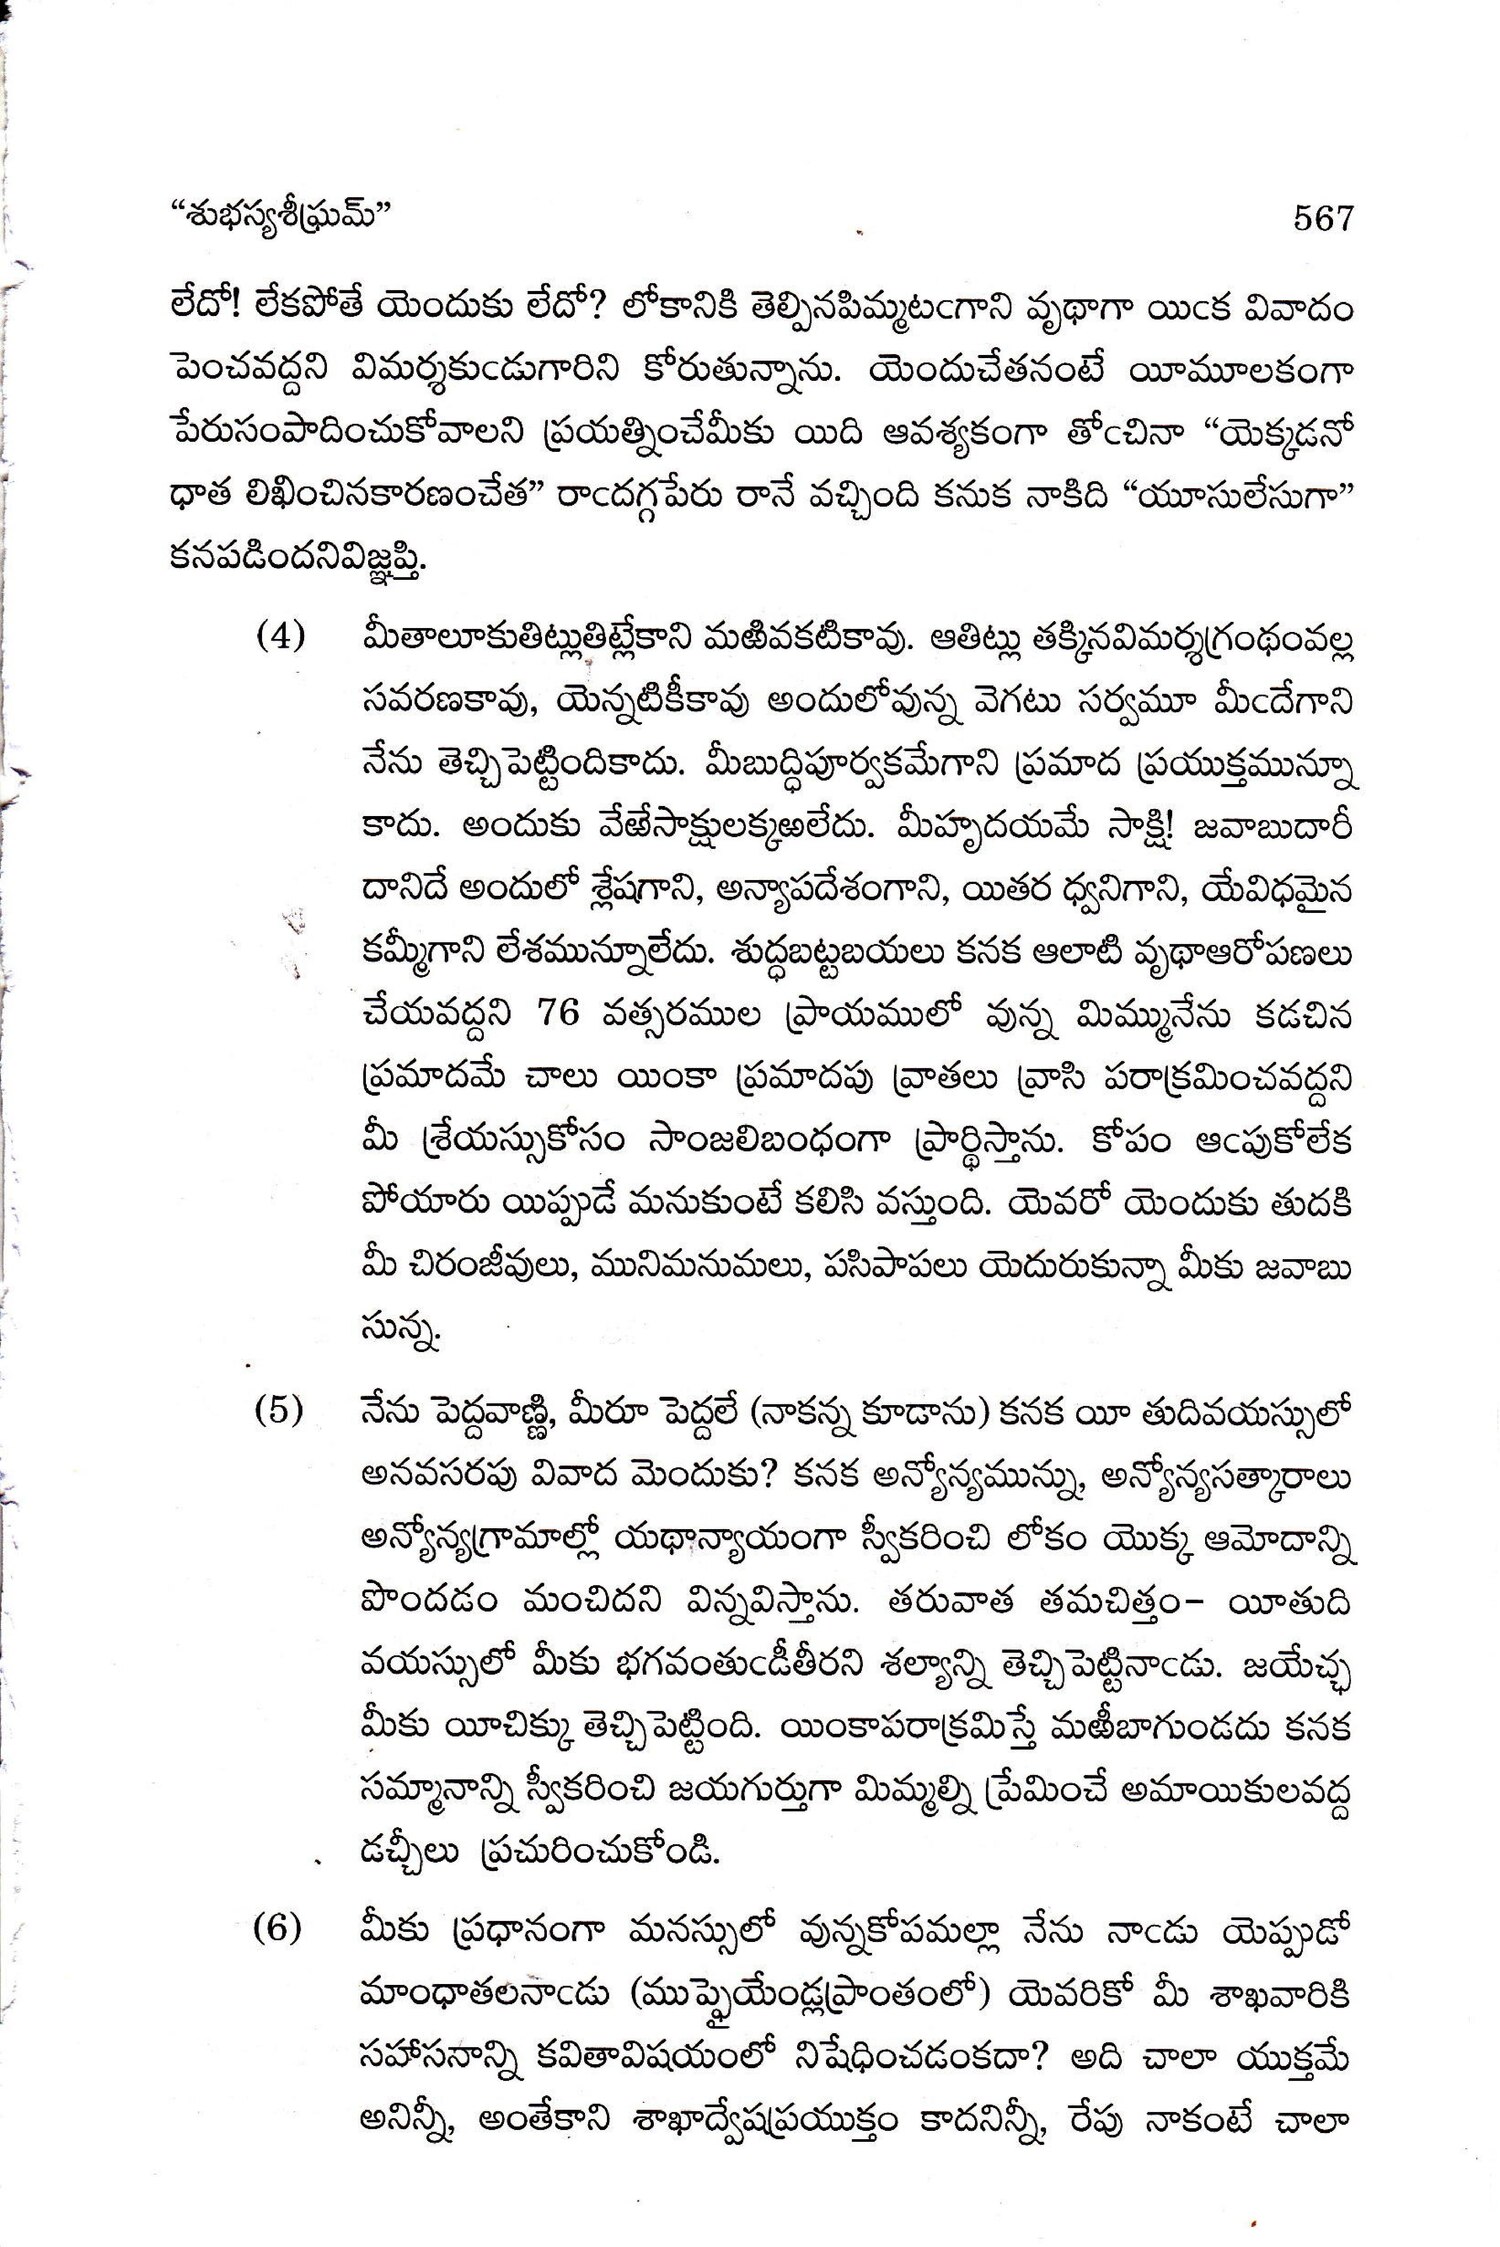లేదో! లేకపోతే యెందుకు లేదో? లోకానికి తెల్పినపిమ్మటఁగాని వృథాగా యిఁక వివాదం పెంచవద్దని విమర్శకుఁడుగారిని కోరుతున్నాను. యెందుచేతనంటే యీమూలకంగా పేరుసంపాదించుకోవాలని ప్రయత్నించేమీకు యిది ఆవశ్యకంగా తోఁచినా “యెక్కడనో ధాత లిఖించినకారణంచేత” రాఁదగ్గపేరు రానే వచ్చింది కనుక నాకిది “యూసులేసుగా" కనపడిందనివిజ్ఞప్తి.

(4) మీతాలూకుతిట్లుతిట్లేకాని మఱివకటికావు. ఆతిట్లు తక్కినవిమర్శగ్రంథంవల్ల సవరణకావు, యెన్నటికీకావు అందులోవున్న వెగటు సర్వమూ మీఁదేగాని నేను తెచ్చిపెట్టిందికాదు. మీబుద్ధిపూర్వకమేగాని ప్రమాద ప్రయుక్తమున్నూ కాదు. అందుకు వేఱేసాక్షులక్కఱలేదు. మీహృదయమే సాక్షి! జవాబుదారీ దానిదే అందులో శ్లేషగాని, అన్యాపదేశంగాని, యితర ధ్వనిగాని, యేవిధమైన కమ్మీగాని లేశమున్నూలేదు. శుద్ధబట్టబయలు కనక ఆలాటి వృథాఆరోపణలు
చేయవద్దని 76 వత్సరముల ప్రాయములో వున్న మిమ్మునేను కడచిన ప్రమాదమే చాలు యింకా ప్రమాదపు వ్రాతలు వ్రాసి పరాక్రమించవద్దని మీ శ్రేయస్సుకోసం సాంజలిబంధంగా ప్రార్థిస్తాను. కోపం ఆఁపుకోలేక పోయారు యిప్పుడే మనుకుంటే కలిసి వస్తుంది. యెవరో యెందుకు తుదకి మీ చిరంజీవులు, మునిమనుమలు, పసిపాపలు యెదురుకున్నా మీకు జవాబు సున్న

(5) నేను పెద్దవాణ్ణి, మీరూ పెద్దలే (నాకన్న కూడాను) కనక యీ తుదివయస్సులో అనవసరపు వివాద మెందుకు? కనక అన్యోన్యమున్ను అన్యోన్యసత్కారాలు అన్యోన్యగ్రామాల్లో యథాన్యాయంగా స్వీకరించి లోకం యొక్క ఆమోదాన్ని పొందడం మంచిదని విన్నవిస్తాను. తరువాత తమచిత్తం- యీతుది వయస్సులో మీకు భగవంతుఁడీతీరని శల్యాన్ని తెచ్చిపెట్టినాఁడు. జయేచ్ఛ మీకు యీచిక్కు తెచ్చిపెట్టింది. యింకాపరాక్రమిస్తే మఱీబాగుండదు కనక సమ్మానాన్ని స్వీకరించి జయగుర్తుగా మిమ్మల్ని ప్రేమించే అమాయికులవద్ద డచ్చీలు ప్రచురించుకోండి.

(6) మీకు ప్రధానంగా మనస్సులో వున్నకోపమల్లా నేను నాఁడు యెప్పుడో మాంధాతలనాఁడు (ముఫ్ఫైయేండ్లప్రాంతంలో) యెవరికో మీ శాఖవారికి సహాసనాన్ని కవితావిషయంలో నిషేధించడంకదా? అది చాలా యుక్తమే అనిన్నీ అంతేకాని శాఖాద్వేషప్రయుక్తం కాదనిన్నీ రేపు నాకంటే చాలా